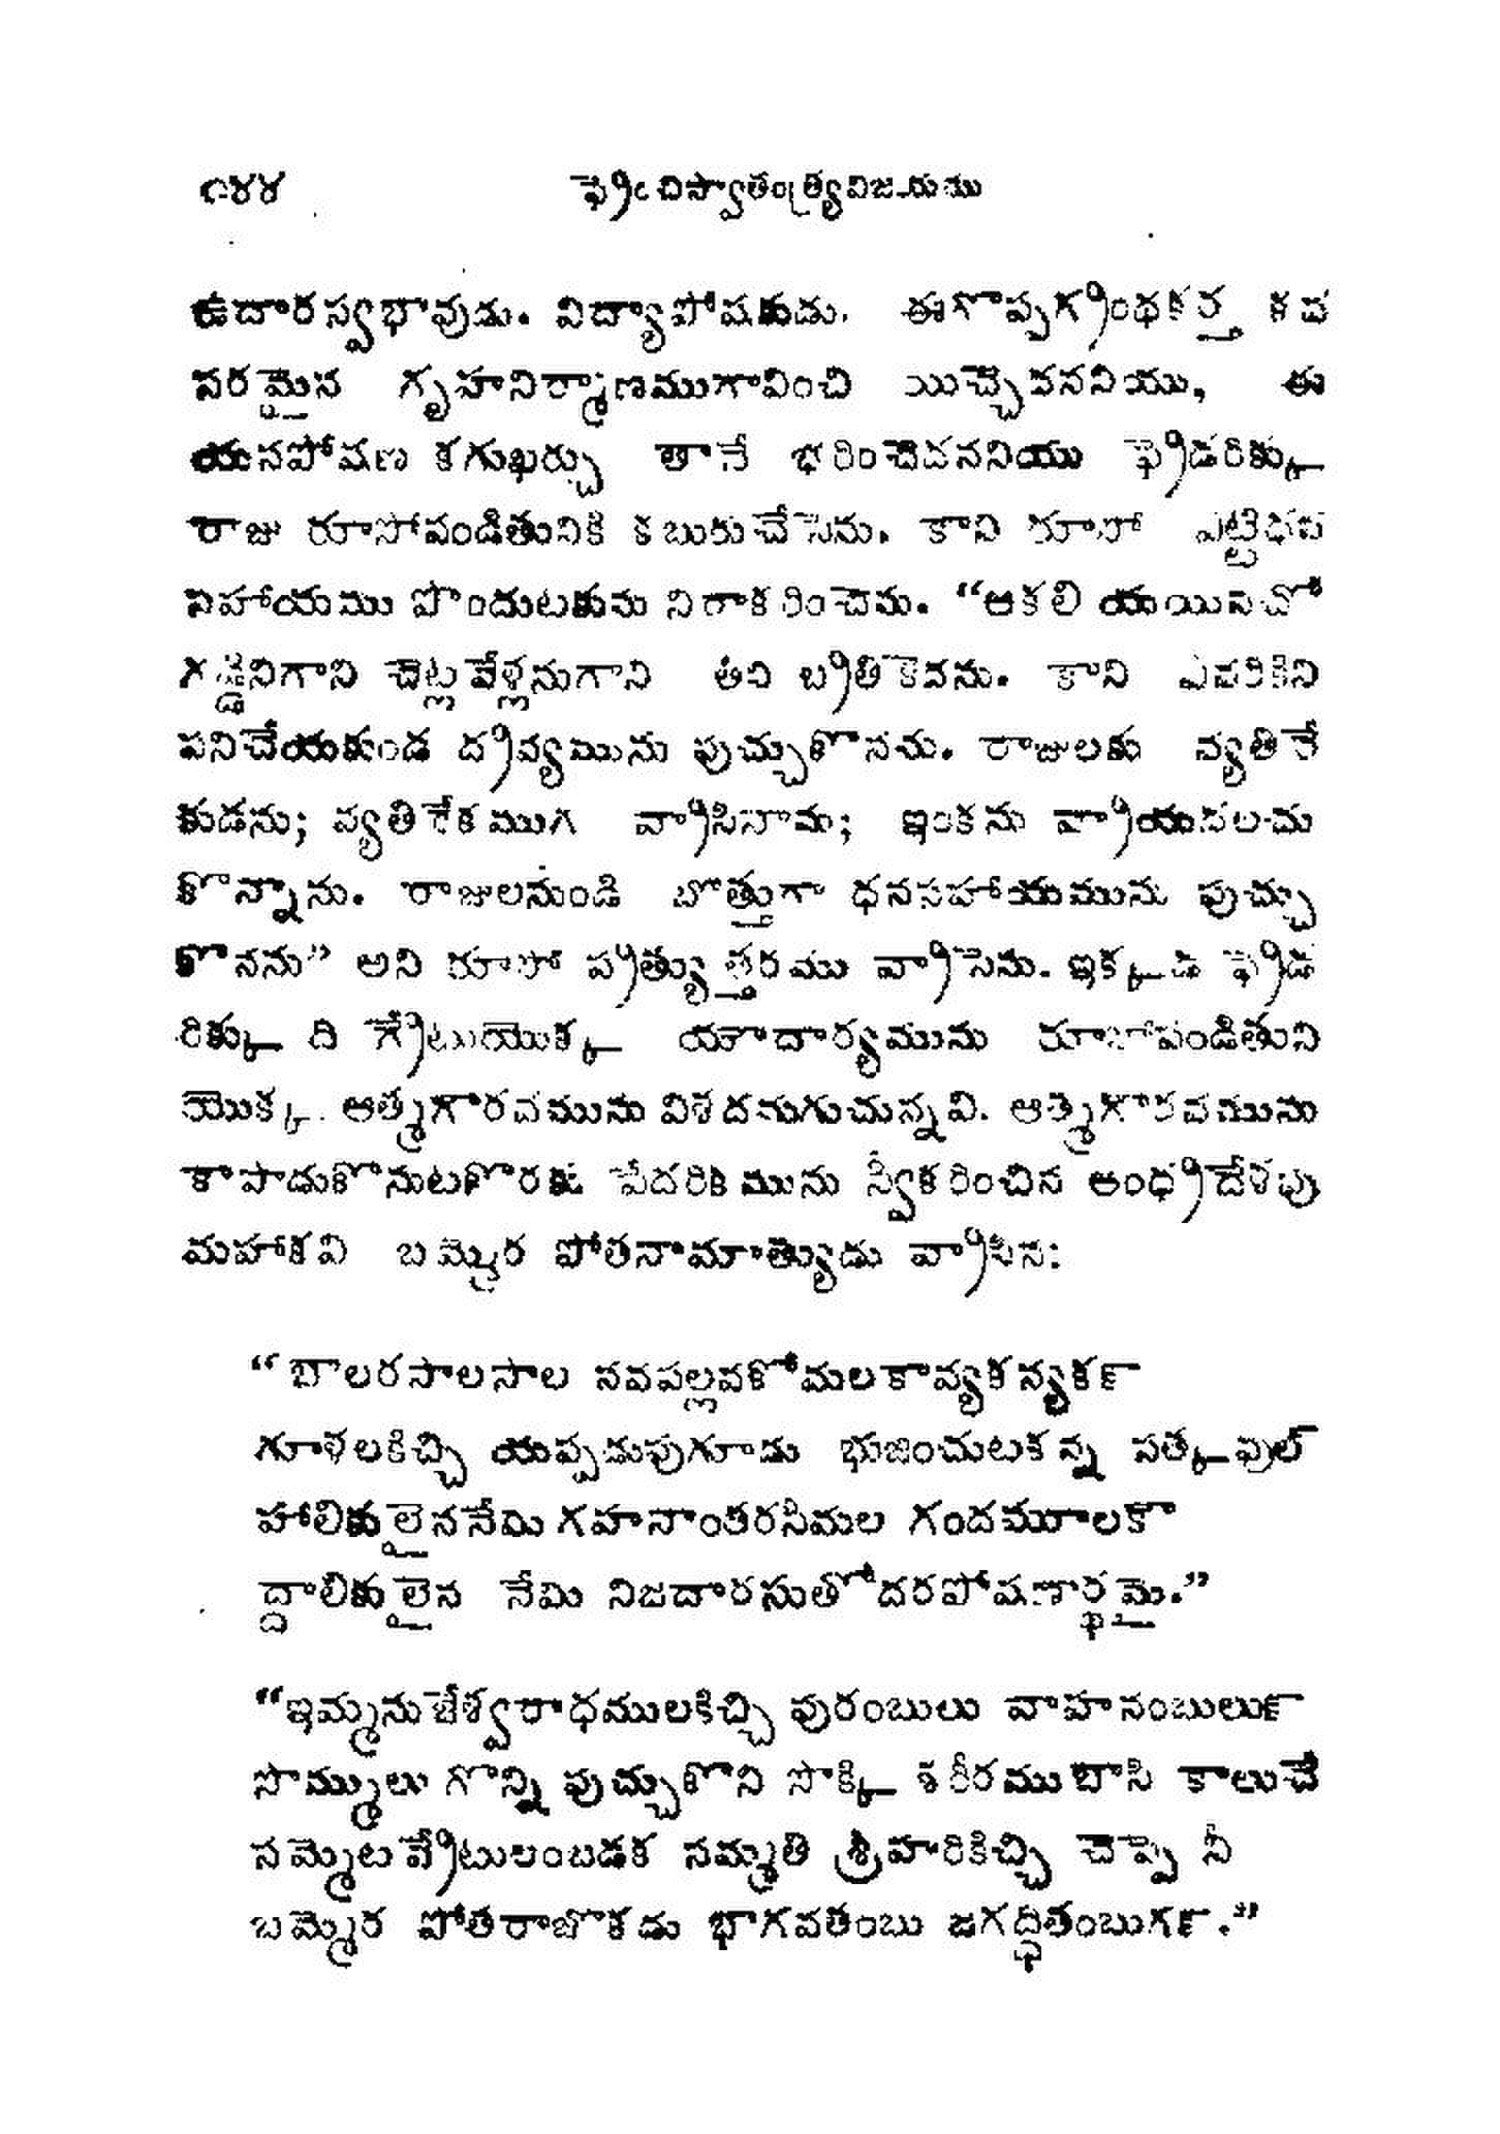ఉదార స్వభావుడు. విద్యా పోషకుడు. ఈ గొప్ప గంథకర్త కవసర
మైన గృహనిర్మాణము గావించి యిచ్చేదననియు, ఈ
యన పోషణ కగుఖర్చు తానే భరించెదననియు ఫెడరిక్కు
రాజు రూసో పండితునికి కబురు చేసెను. కాని రూసో ఎట్టి ధన
సహాయము పొందుటకుమ నిరాకరించెను. "ఆకలియయినచో
గడ్డినిగాని చెట్ల వేళ్లనుగాని తిని బ్రతి కెను. కాని ఎవరిని
పనిచేయకుండ దవ్యమును పుచ్చుకొనను. రాజులకు వ్యతిరే
కుడను; వ్యతిరేక ముగా వ్రాసినాను, ఇంకను వ్రాయ దలచు
కొన్నాను. 'రాజులనుండి బొత్తుగా ధనసహాయమును పుచ్చు
కొనను” అని రూసో ప్రత్యుత్తరము వ్రాసెను. ఇక్కడ ఫ్రెడ
రిక్కు ది గ్రేటు యొక్క యౌదార్యమును రూ సోపండితుని
యొక్క . ఆత్మగౌరవమును విశదమగుచున్నవి. ఆత్మగౌరవమును
కాపాడుకొనుటకొరకు 'పేదరికి మును స్వీకరించిన ఆంధ్ర దేశపు
మహాకవి బమ్మెర పోతనామాత్యుడు వ్రాసిన

“ బాలరసాలసాల నవపల్లవ కోమల కావ్యకన్యక
గూళలకిచ్చి యప్పడుపుకూడు భుజించుటకన్న సత్క ఫుల్
హాలికులైననేమి గహనాంతరసీమల గందమూలకౌ
ద్దాలికు లైన నేమి నిజదారసుతోదరపోషణార్థమై.”

"ఇమ్మను జేశ్వరాధములకిచ్చి పురంబులు వాహనంబులు
సొమ్ములు కొన్ని పుచ్చుకొని సొక్కి శరీరము బాసి కాలుచే
సమ్మెట వ్రేటులంబడక సమ్మతి శ్రీహరికిచ్చి చెప్పినీ
బమ్మెర పోత రాజొకడు భాగవతంబు జగద్ధితంబుగఁన్.”